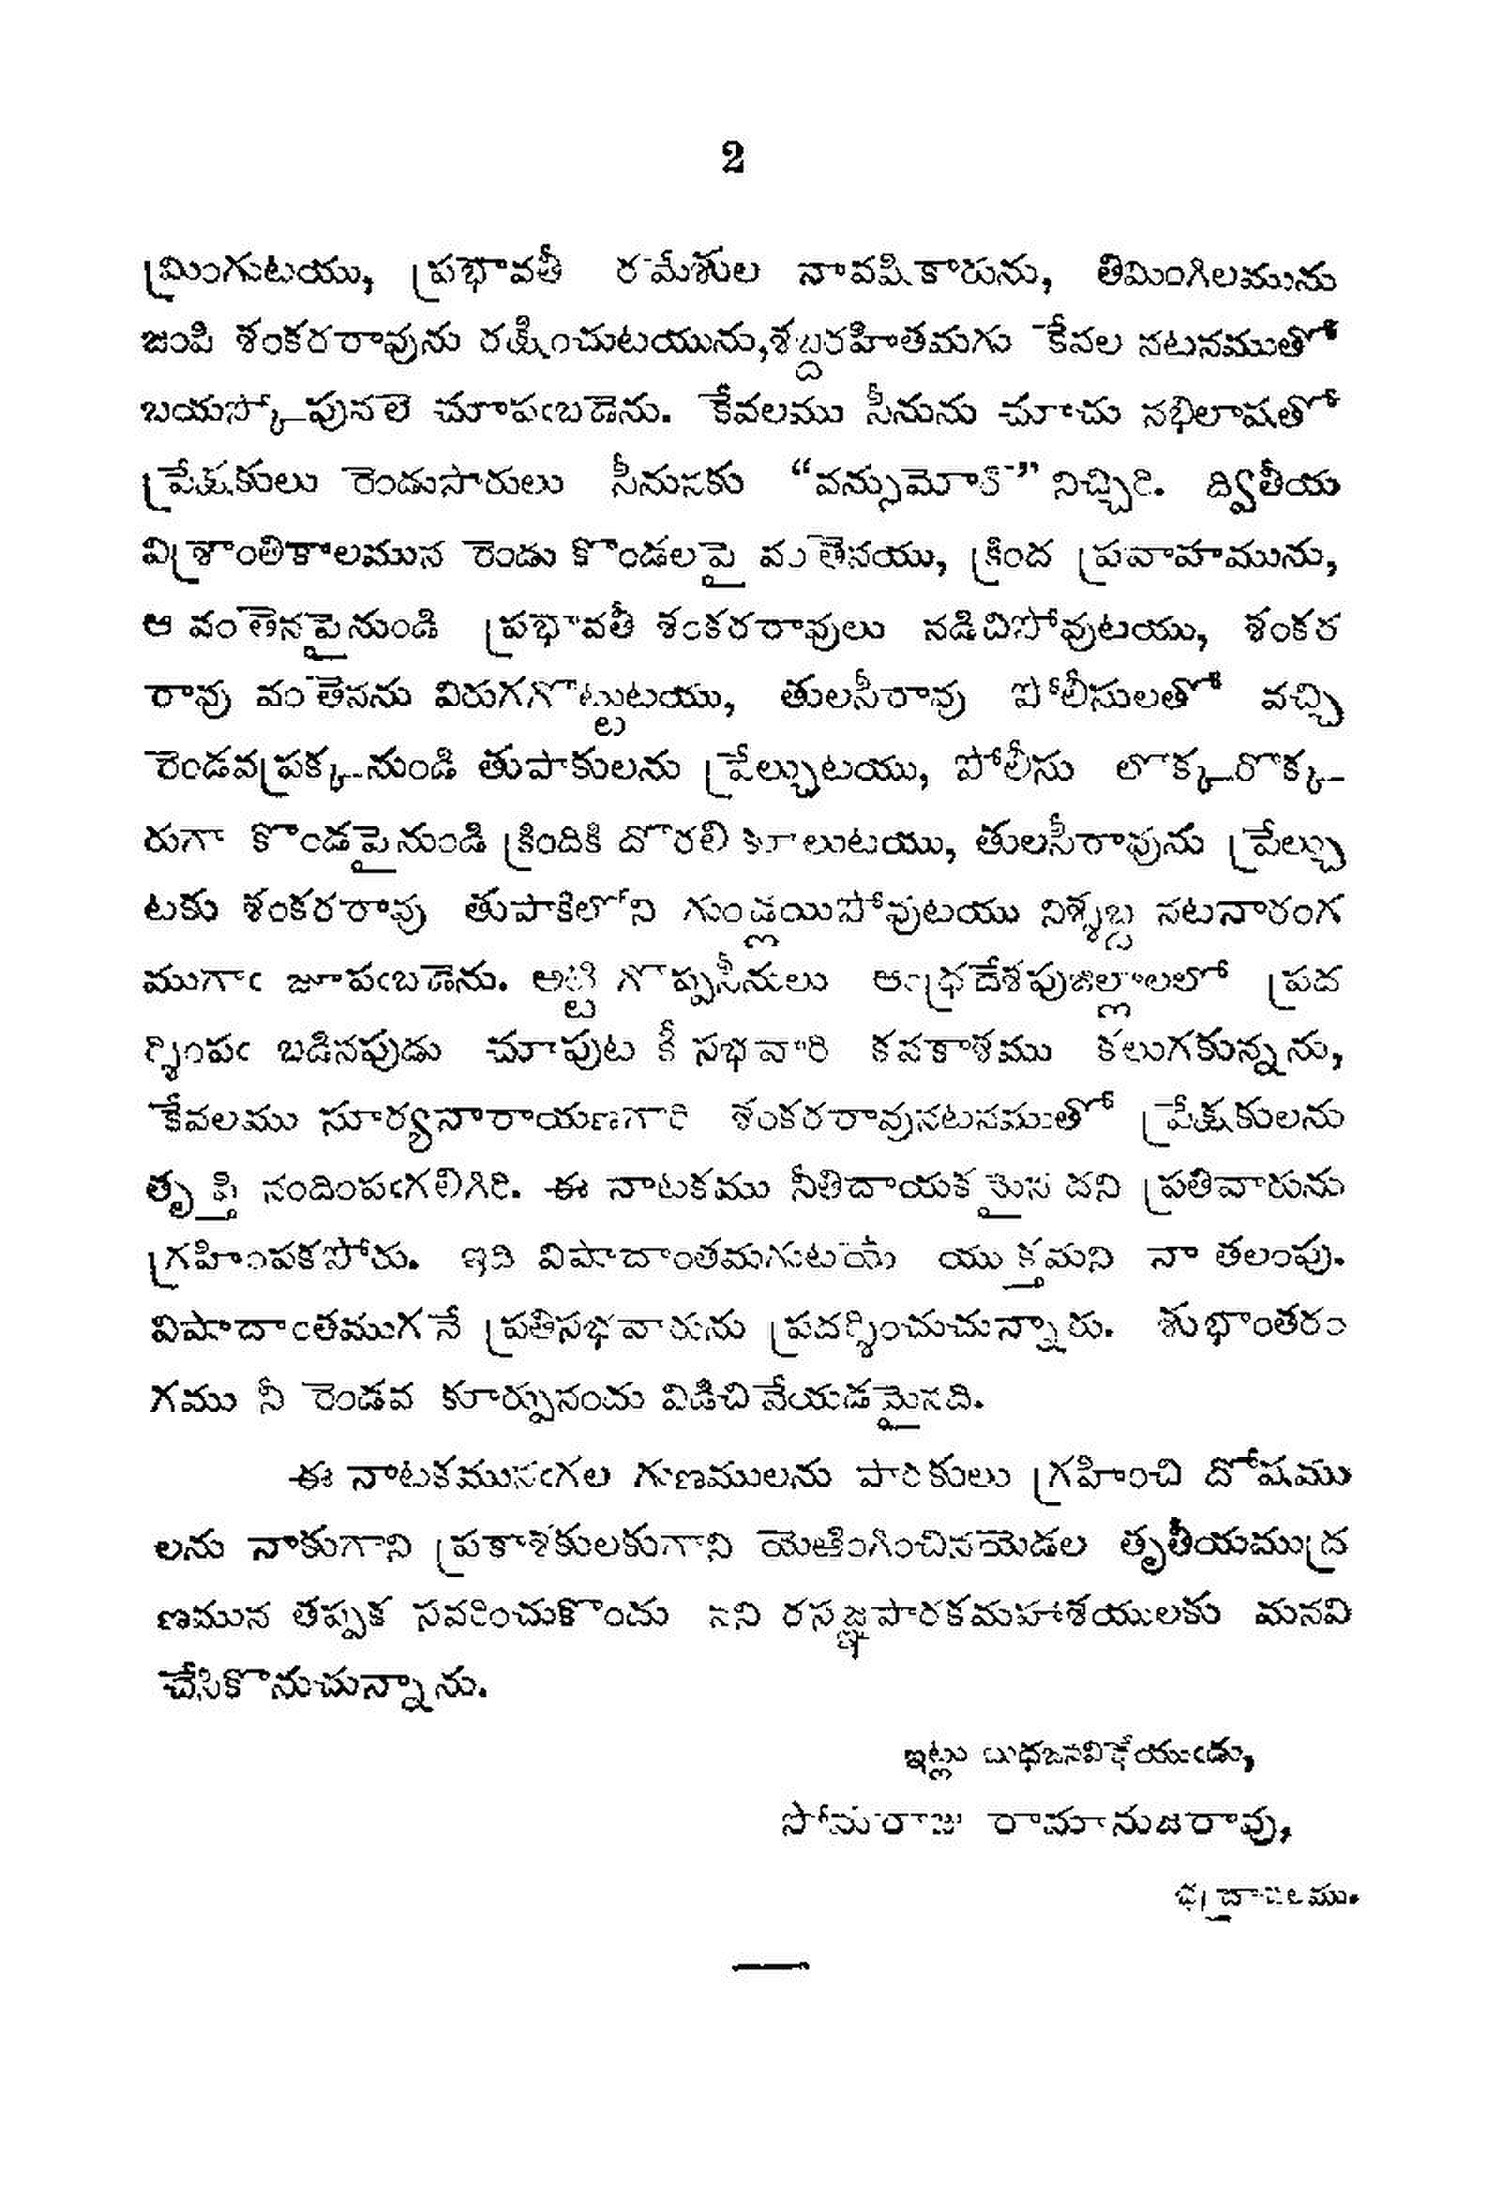మ్రింగుటయు, ప్రభావతీ రమేశుల నావ షికారును, తిమింగిలమును జంపి శంకరరావును రక్షించుటయును శబ్దరహితమగు కేవల నటనముతో బయస్కోపువలె చూపఁబడెను. కేవలము సీనును చూచు నభిలాషతో ప్రేక్షకులు రెండుసారులు సీనునకు “వన్సుమోర్” నిచ్చిరి. ద్వితీయ
విశ్రాంతికాలమున రెండు కొండలపై వంతెనయు, క్రింద ప్రవాహమును, ఆ వంతెనపైనుండి ప్రభావతీ శంకరరావులు నడిచిపోవుటయు, శంకరరావు వంతెనను విరుగగొట్టుటయు, తులసీరావు పోలీసులతో వచ్చి రెండవప్రక్కనుండి తుపాకులను ప్రేల్చుటయు, పోలీసు లొక్కరొక్కరుగా కొండపైనుండి క్రిందికి దొరలి కూలుటయు, తులసీరావును ప్రేల్చుటకు శంకరరావు తుపాకిలోని గుండ్లయిపోవుటయు నిశ్శబ్ద నటనా రంగముగాఁ జూపఁబడెను. అట్టి గొప్పసీనులు ఆంధ్రదేశపు జిల్లాలలో ప్రదర్శింపఁ బడినపుడు చూపుట కీ సభవారి కవకాశము కలుగకున్నను, కేవలము సూర్యనారాయణగారి శంకరరావు నటసముతో ప్రేక్షకులను తృప్తి నందింపఁగలిగిరి. ఈ నాటకము నీతిదాయకమైన దని ప్రతివారును గ్రహింపకపోరు. ఇవి విషాదాంతమగుటయే యుక్తమని నా తలంపు. విషాదాంతముగనే ప్రతిసభవారును ప్రదర్శించుచున్నారు. శుభాంతరంగము నీ రెండవ కూర్పునందు విడిచివేయడమైనది.

ఈ నాటకమునఁగల గుణములను పాఠకులు గ్రహించి దోషములను నాకుగాని ప్రకాశకులకుగాని యెఱింగించినయెడల తృతీయముద్రణమున తప్పక సవరించుకొందు నని రసజ్ఞపాఠక మహాశయులకు మనవి చేసికొనుచున్నాను.

_____________